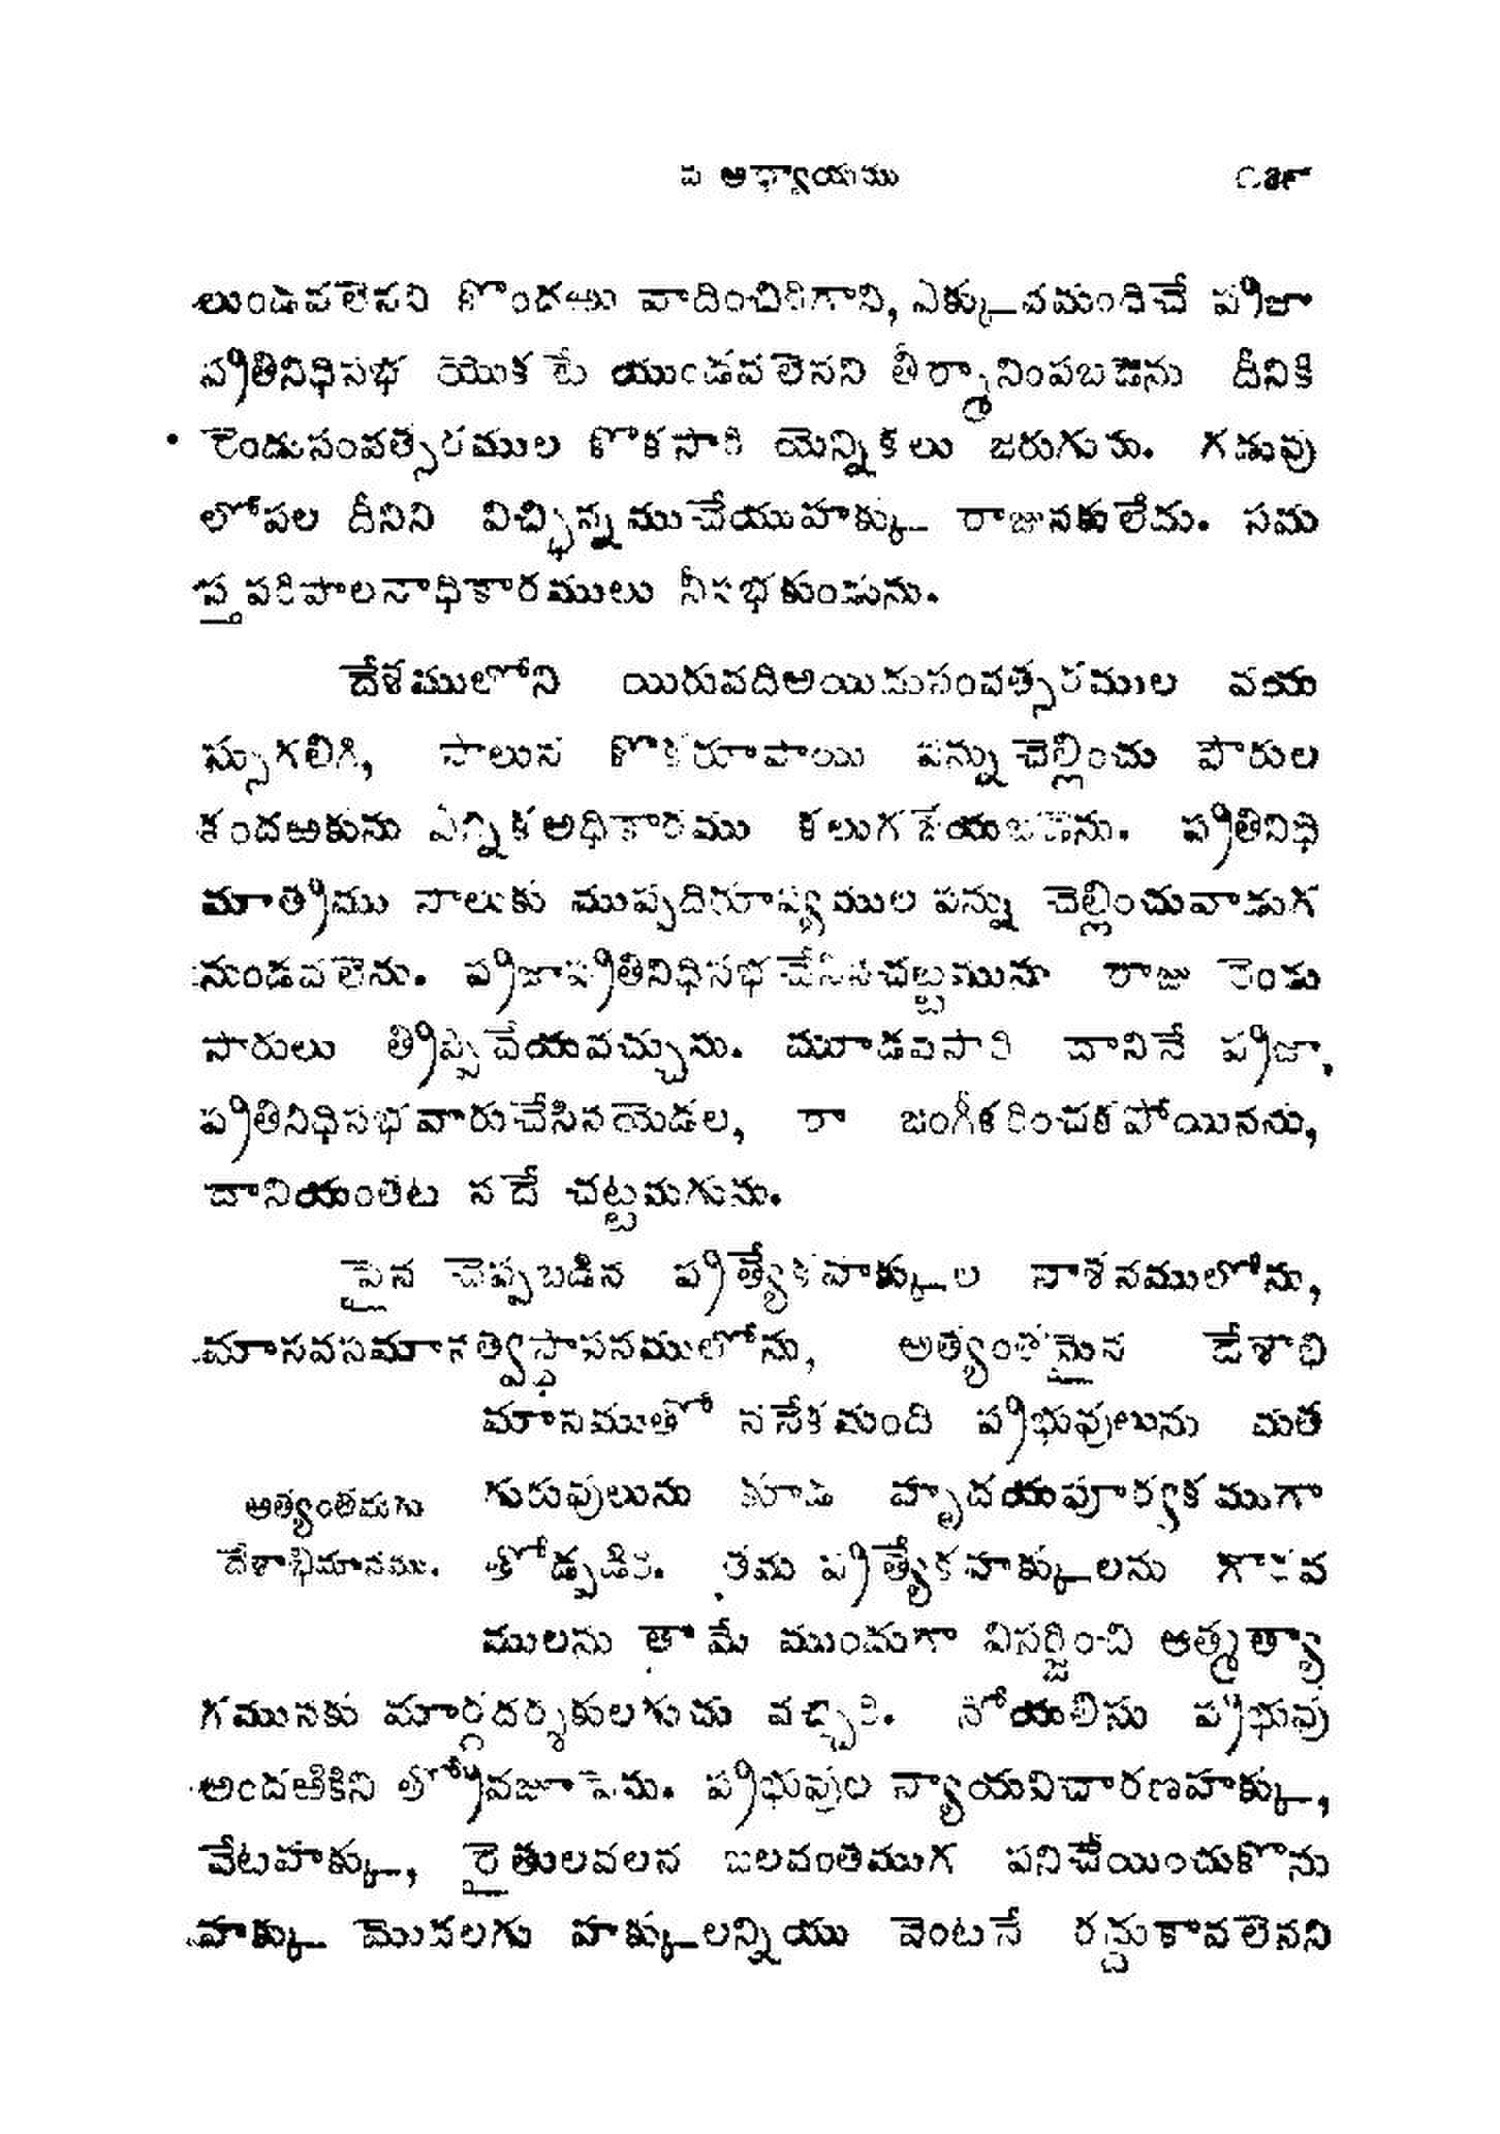లుండవలెనని కొందరు వాదించిరి గానీ, ఎక్కువమందిచే ప్రజా
ప్రతినిధి సభ యొకటే యుఁడవ లెసని తీర్మానింపబడెను. దీనికి
రెండు సంవత్సరముల కొకసారి యెన్నికలు జరుగును. గడువు
లోపల దీనిని విచ్ఛిన్నము చేయుహక్కు... రాజునకు లేదు. 
సమస్త పరిపాలనాధికారములు నీసభ కుండును,

దేశములోని యిరువది అయిదు సంవత్సరముల 
వయస్సుగలిగి, సాలున కొక రూపాయి పన్ను చెల్లించు పౌరుల
లందఱకును ఎన్నిక అధి కారము కలుగజేయ బడెను. ప్రతినిధి
మాత్రము సౌలుకు ముప్పది రూప్యముల పన్ను చెల్లించువాడుగా
నుండవలెను. ప్రజాప్రతినిధి సభ చేసిన చట్టమును రాజు రెండు
సారులు తిప్పి వేయవచ్చును. మూడుసారి దానినే ప్రజా,
ప్రతినిధిసభ వారు చేసిన యెడల, రాజంగీకరించక పోయినను,
దానియంతట నదే చట్టమగును.

అత్యంతము
దేశాభిమానము.
పైన చెప్పబడిన ప్రత్యేక వాక్కుల నాశనములోను,
మాసవ సమానత్వస్థాసనములోను, అత్యంతమైన దేశాభి
మాసములో ననేక మంది ప్రభువులును మత
గురువులుసు కూడ హృదయ పూర్వకముగా
తోడ్పడిరి. తమ ప్రత్యేక హక్కులను గౌరవ
ములను తామే ముందుగా విసర్జించి ఆత్మత్యా
గమునకు మార్గదర్శకులగుచు వచ్చిరి, నోయలిసు ప్రభువు
అందరికిని త్రోవజూపెను. ప్రభువుల న్యాయవిచారణహక్కు ,
వేటహక్కు, రైతులవలన బలవంతముగ పనిచేయించుకొను
హక్కు మొదలగు హక్కులన్నియు వెంటనే రద్దుకావలెనని